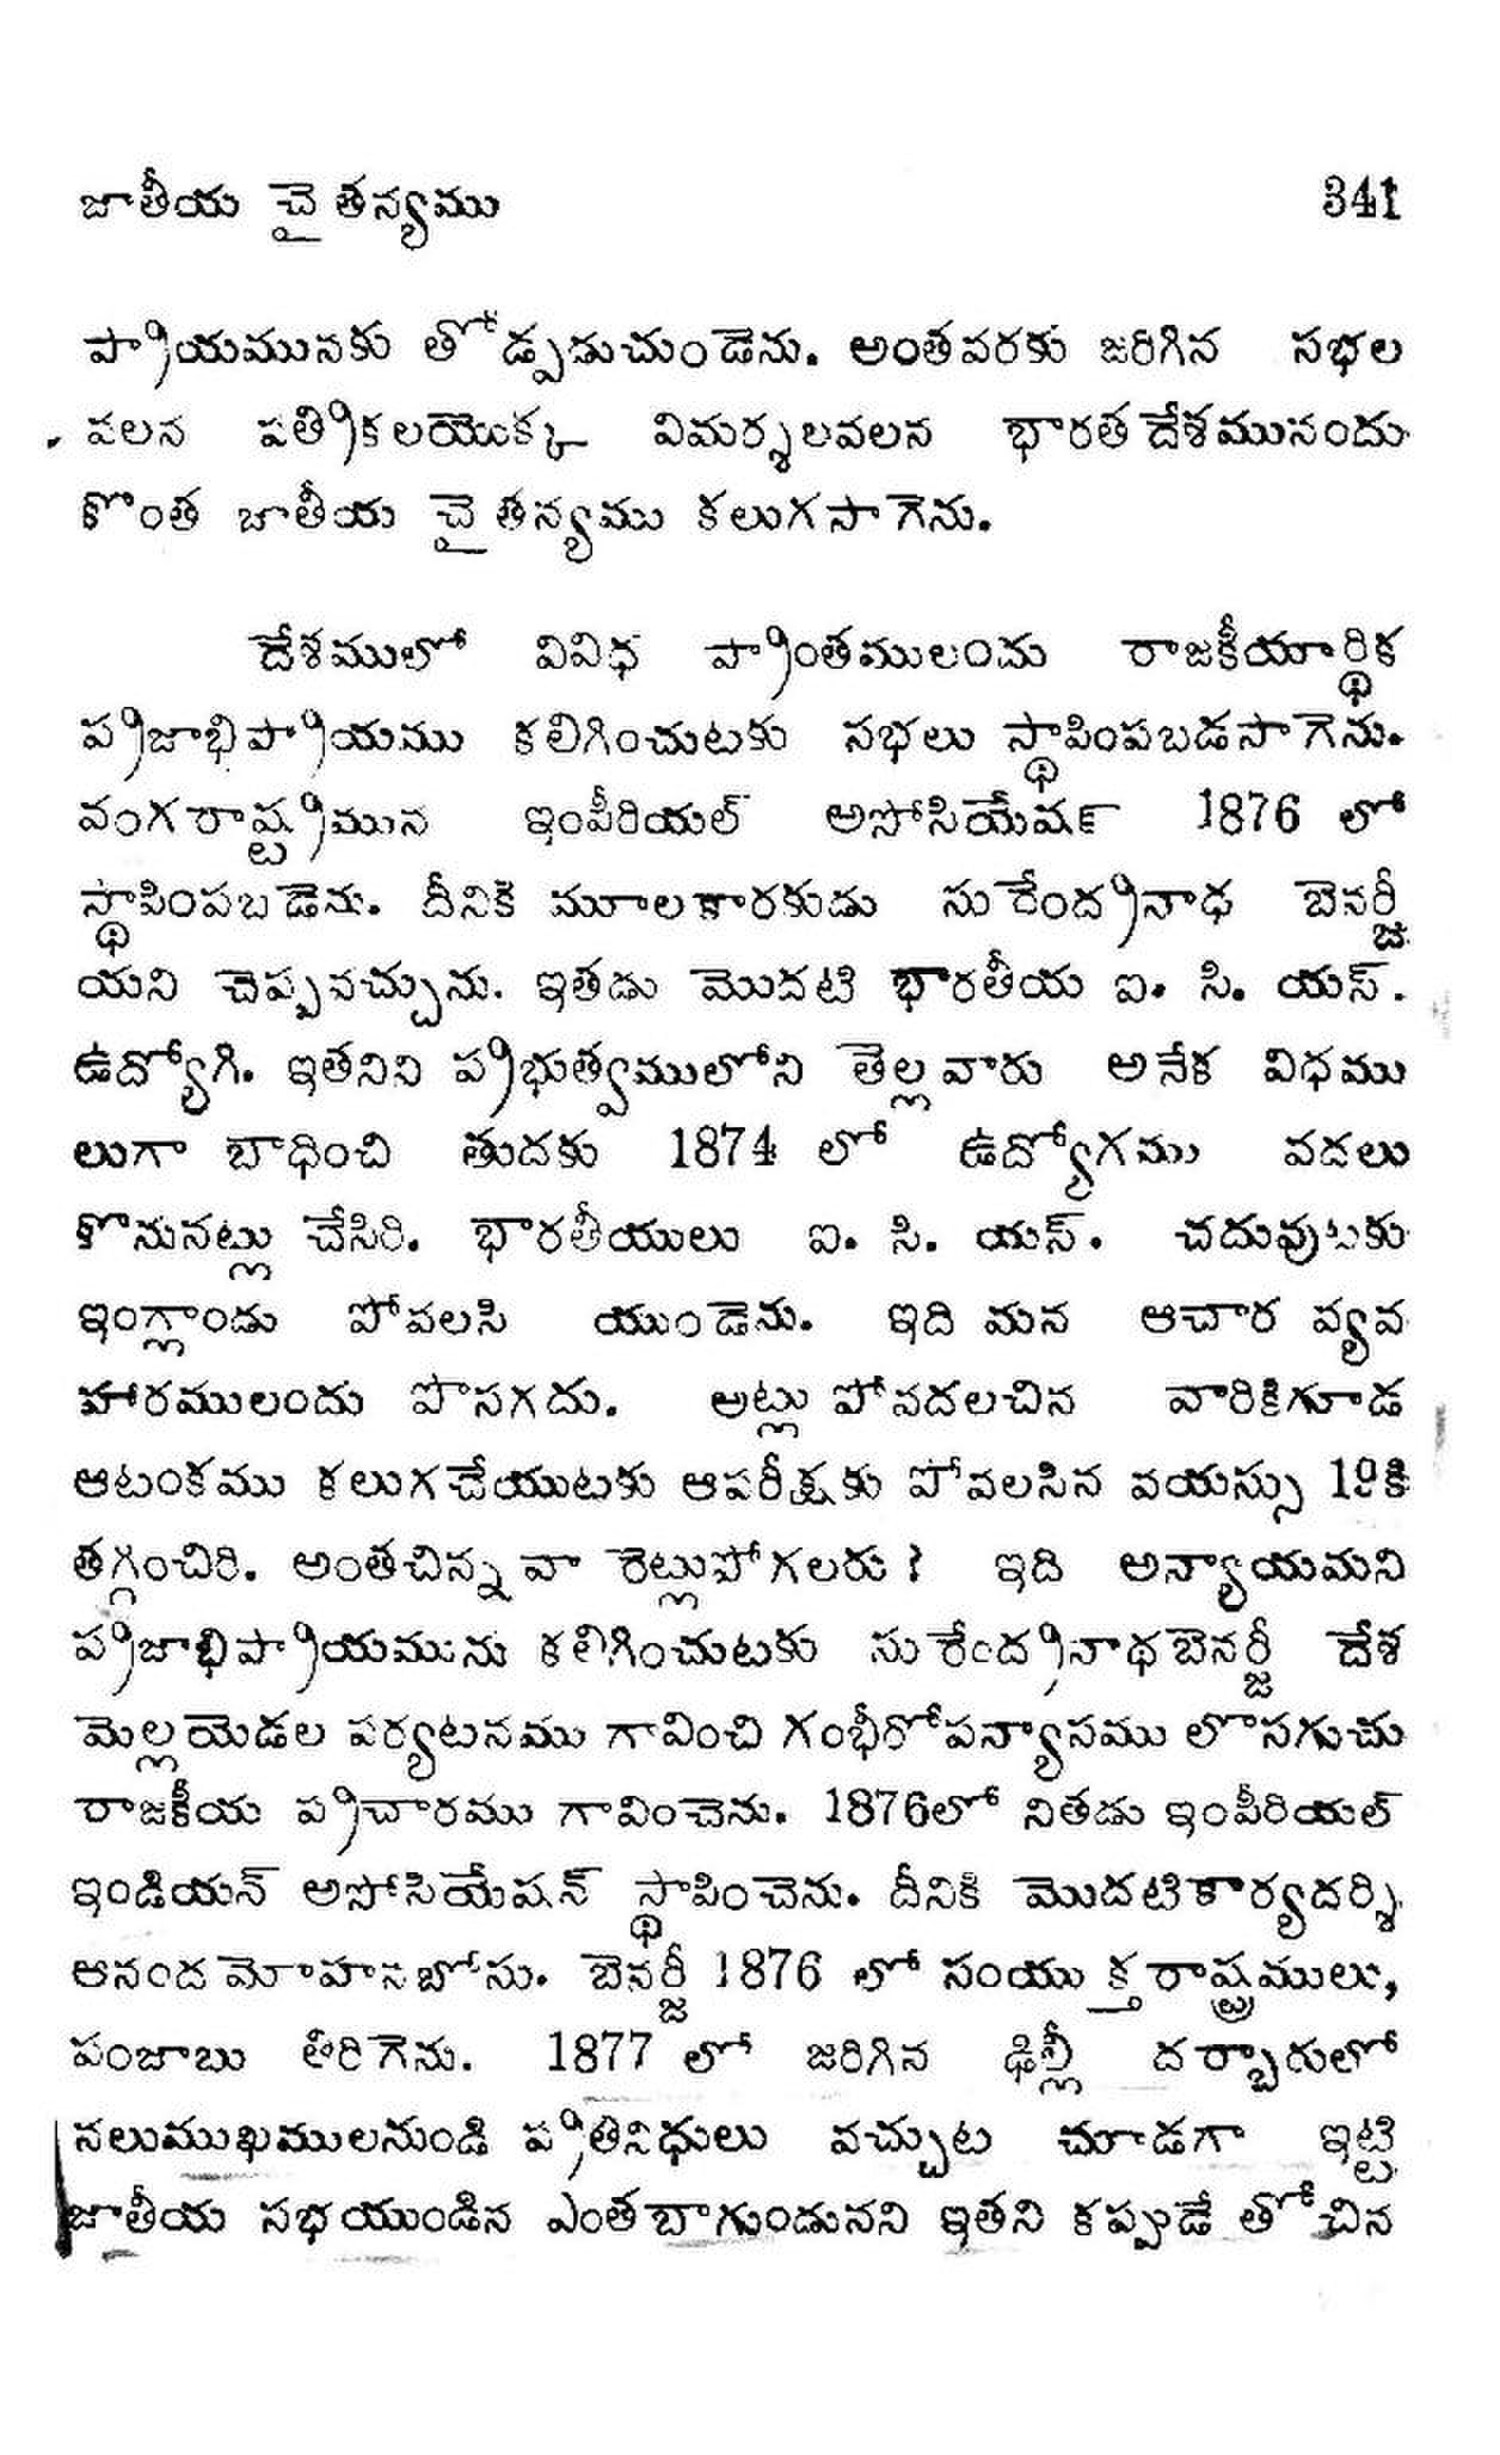ప్రాయమునకు తోడ్పడుచుండెను. అంతవరకు జరిగిన సభలవలన పత్రికలయొక్క విమర్శలవలన భారతదేశమునందు కొంత జాతీయ చైతన్యము కలుగసాగెను.

దేశములో వివిధ ప్రాంతములందు రాజకీయార్థిక ప్రజాభిప్రాయము కలిగించుటకు సభలు స్థాపింపబడసాగెను. వంగరాష్ట్రమున ఇంపీరియల్ అసోసియేషన్ 1876 లో స్థాపింపబడెను. దీనికి మూలకారకుడు సురేంద్రనాథ బెనర్జీ యని చెప్పవచ్చును. ఇతడు మొదటి భారతీయ ఐ. సి. యస్ . ఉద్యోగి. ఇతనిని ప్రభుత్వములోని తెల్లవారు అనేక విధములుగా బాధించి తుదకు 1874 లో ఉద్యోగము వదలుకొనునట్లు చేసిరి. భారతీయులు ఐ. సి. యస్. చదువుటకు ఇంగ్లాండు పోవలసి యుండెను. ఇది మన ఆచార వ్యవహారములందు పొసగదు. అట్లు పోవదలచిన వారికిగూడ ఆటంకము కలుగచేయుటకు ఆపరీక్షకు పోవలసిన వయస్సు 19 కి తగ్గించిరి. అంతచిన్నవా రెట్లుపోగలరు? ఇది అన్యాయమని ప్రజాభిప్రాయమును కలిగించుటకు సురేంద్రనాథ బెనర్జీ దేశమెల్లయెడల పర్యటనము గావించి గంభీరోపన్యాసము లొసగుచు రాజకీయ ప్రచారము గావించెను. 1876లో నితడు ఇంపీరియల్ ఇండియన్ అసోసియేషన్ స్థాపించెను. దీనికి మొదటికార్యదర్శి, ఆనందమోహనబోసు. బెనర్జీ 1876 లో సంయుక్త రాష్ట్రములు, పంజాబు తిరిగెను. 1877 లో జరిగిన ఢిల్లీ దర్బారులో నలుముఖములనుండి ప్రతినిధులు వచ్చుట చూడగా ఇట్టి జాతీయ సభయుండిన ఎంతబాగుండునని ఇతని కప్పుడే తోచిన